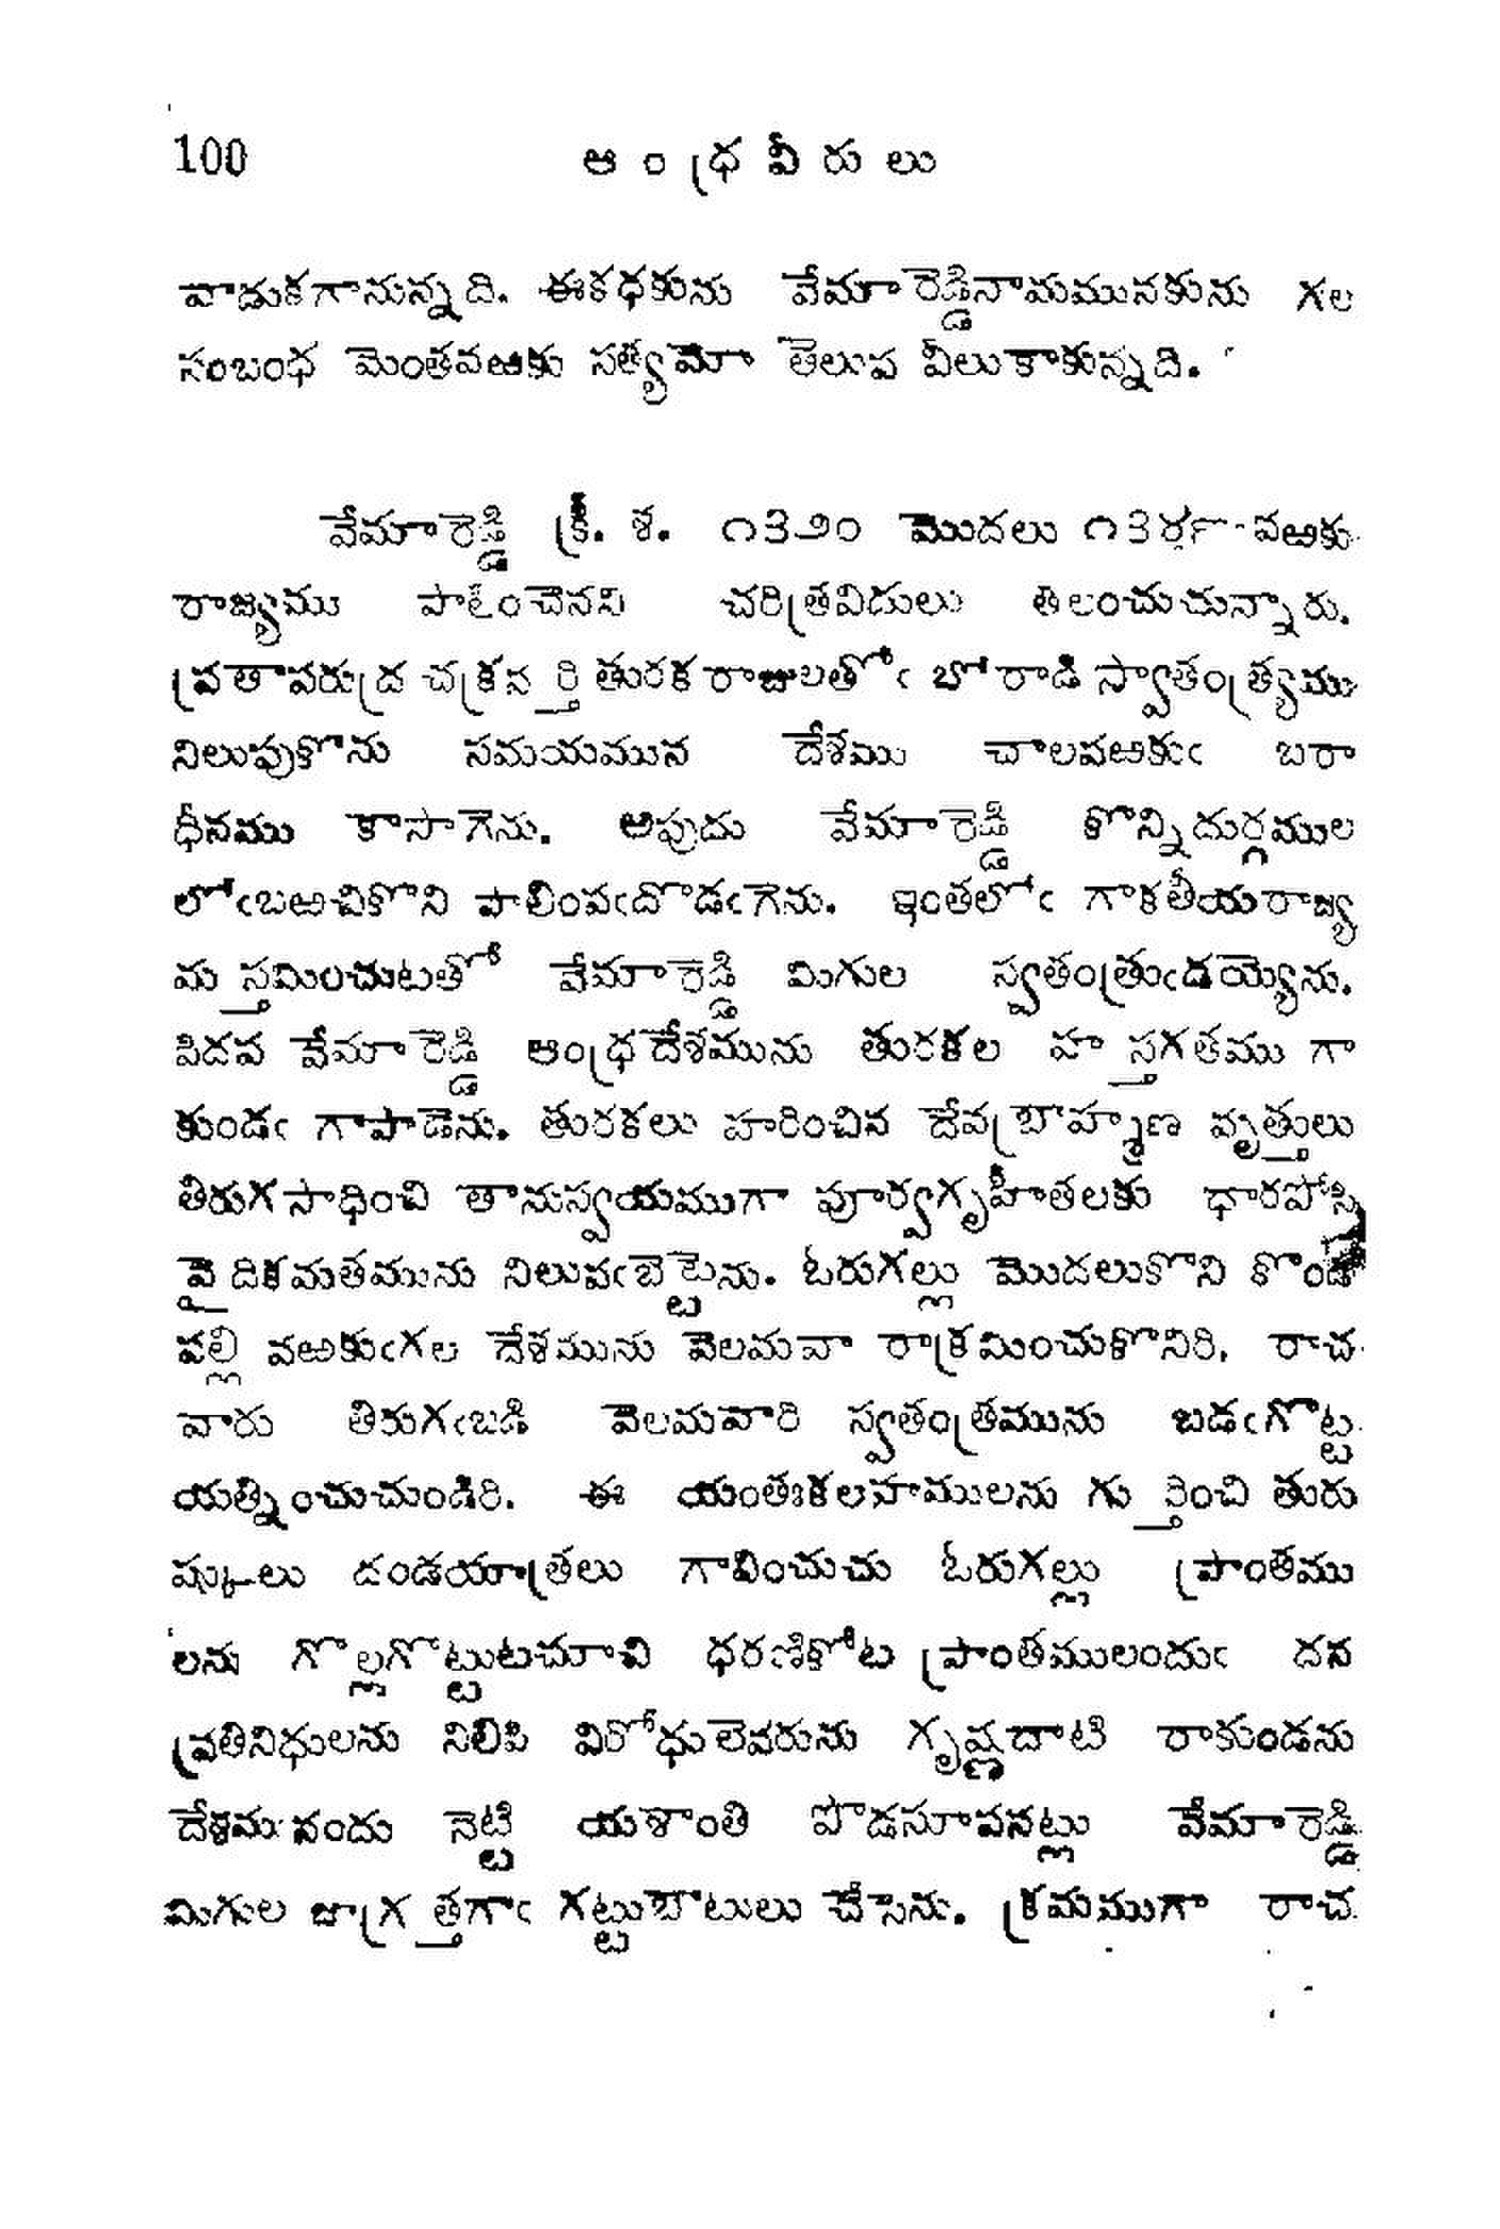వాడుకగానున్నది. ఈకధకును వేమారెడ్డినామమునకును గల సంబంధ మెంతవఱకు సత్యమో తెలుప వీలుకాకున్నది.

వేమారెడ్డి క్రీ.శ. 1320 మొదలు 1349 వఱకు రాజ్యము పాలించెను. చరిత్రవిదులు తలంచుచున్నారు. ప్రతాపరుద్ర చక్రవర్తి తురకరాజులతో బోరాడి స్వాతంత్ర్యము నిలుపుకొను సమయమున దేశము చాలవఱకు బరాధీనము కాసాగెను. అపుడు వేమారెడ్డి కొన్నిదుర్గముల లోబఱచికొని పాలింపదొడగెను. ఇంతలో గాకతీయరాజ్య మస్తమించుటతో వేమారెడ్డి మిగుల స్వతంత్రుడయ్యెను. పిదప వేమారెడ్డి ఆంధ్రదేశమును తురకల హస్తగతము గాకుండ గాపాడెను. తురకలు హరించిన దేవబ్రాహ్మణ వృత్తులు తిరుగసాధించి తానుస్వయముగా పూర్వగృహీతలకు ధారపోసి వైదికమతమును నిలువ బెట్టెను. ఓరుగల్లు మొదలుకొని కొండపల్లి వఱకుగల దేశమును వెలమవా రాక్రమించుకొనిరి. రాచవారు తిరుగబడి వెలమవారి స్వతంత్రమును బడగొట్ట యత్నించుచుండిరి. ఈ యంత:కలహములను గుర్తించి తురుష్కులు దండయాత్రలు గావించుచు ఓరుగల్లు ప్రాంతములను గొల్లగొట్టుటచూచి ధరణికోట ప్రాంతములందు దన ప్రతినిధులను నిలిపి విరోధులెవరును గృష్ణదాటి రాకుండను దేశమునందు నెట్టి యశాంతి పొడసూపనట్లు వేమారెడ్డి మిగుల జాగ్రత్తగా గట్టుబాటులు చేసెను. క్రమముగా రాచ